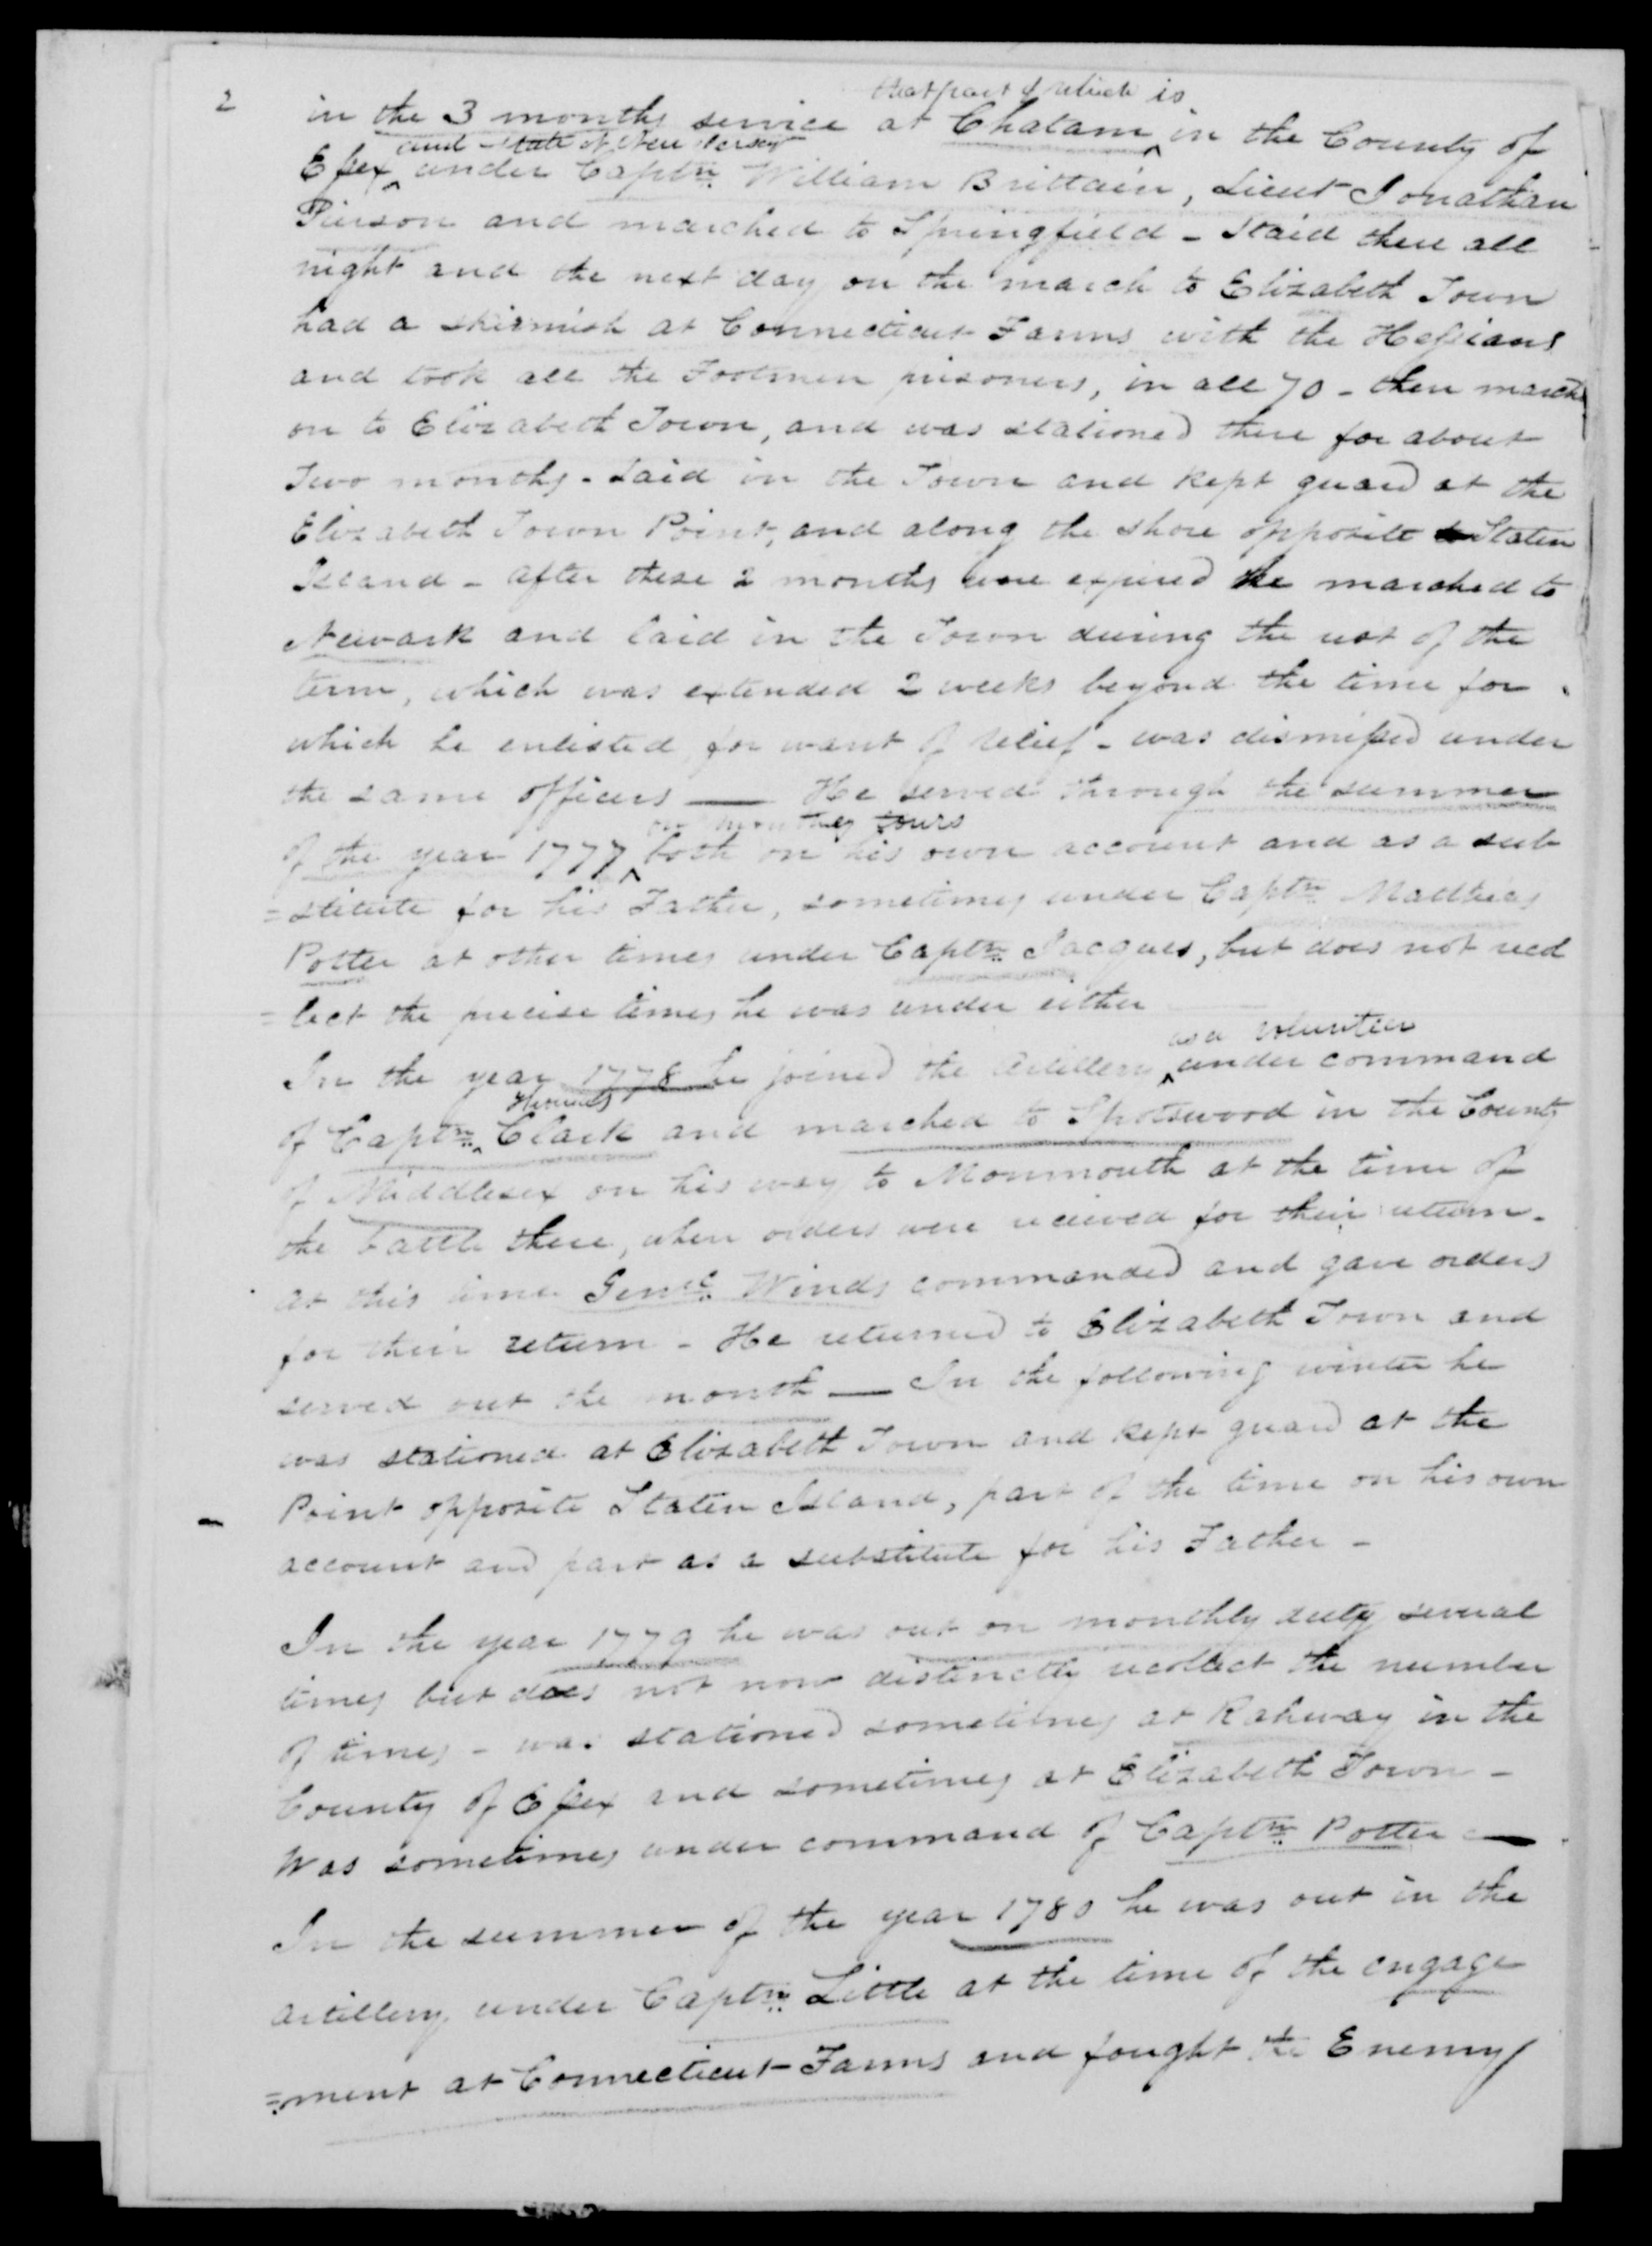in the 3 months service at Chatham that part of Essex and state of New Jersey under Captn. William Brittain, Lieut Jonathan Pierson and marched to Springfield - staid there all night and the next day on the march to Elizabeth Town had a skirmish at Connecticut Farms with the Hessians and took all the footmen, prisoners, in all 70 - then marched on to Elizabeth Town, and was stationed there for about two months. Laid in the Town and kept guard at the Elizabeth Town Point, and along the shore opposite Staten Island - after these 2 months were expired he marched to Newark and laid in the Town during the rest of the term, which was extended 2 weeks beyond the time for which he enlisted for want of relief - was dismissed under the same officers -- He served through the summer of the year 1777 on monthly tours both on his own account and as a substitute for his Father, sometimes under Captn. Matthias Potter at other times under Captn. Jacques, but does not recollect the precise time he was under either.
   In the year 1778 he joined the artillery as a volunteer under command of Captn. [illeg] Clark and marched to Spotswood in the County of Middlesex on his way to Monmouth at the time of the battle there, when orders were received for their return. At this time Genl Winds commanded and gave orders for their return - He returned to Elizabeth Town and served out the month - In the following winter he was stationed at Elizabeth Town and kept guard at the point opposite Staten Island, part of the time on his own account and part as a substitute for his Father -
    In the year 1779 he was out on a monthly duty several times but does not now distinctly recollect the number of times - was stationed sometimes at Rahway in the County of Essex and sometimes at Elizabeth Town - was sometimes under command of Captn. Potter --
    In the summer of the year 1780 he was out in the artillery under Captn Little at the time of the engagement at Connecticut Farms and fought the enemy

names: [BLANK] Little; [BLANK] Winds; [BLANK] Jacques; [BLANK] Potter; Matthias Potter; [BLANK] Clark; Jonathan Pierson; William Brittain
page: 8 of 44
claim: survivor's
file: S. 912, for Samuel Shipman, New Jersey